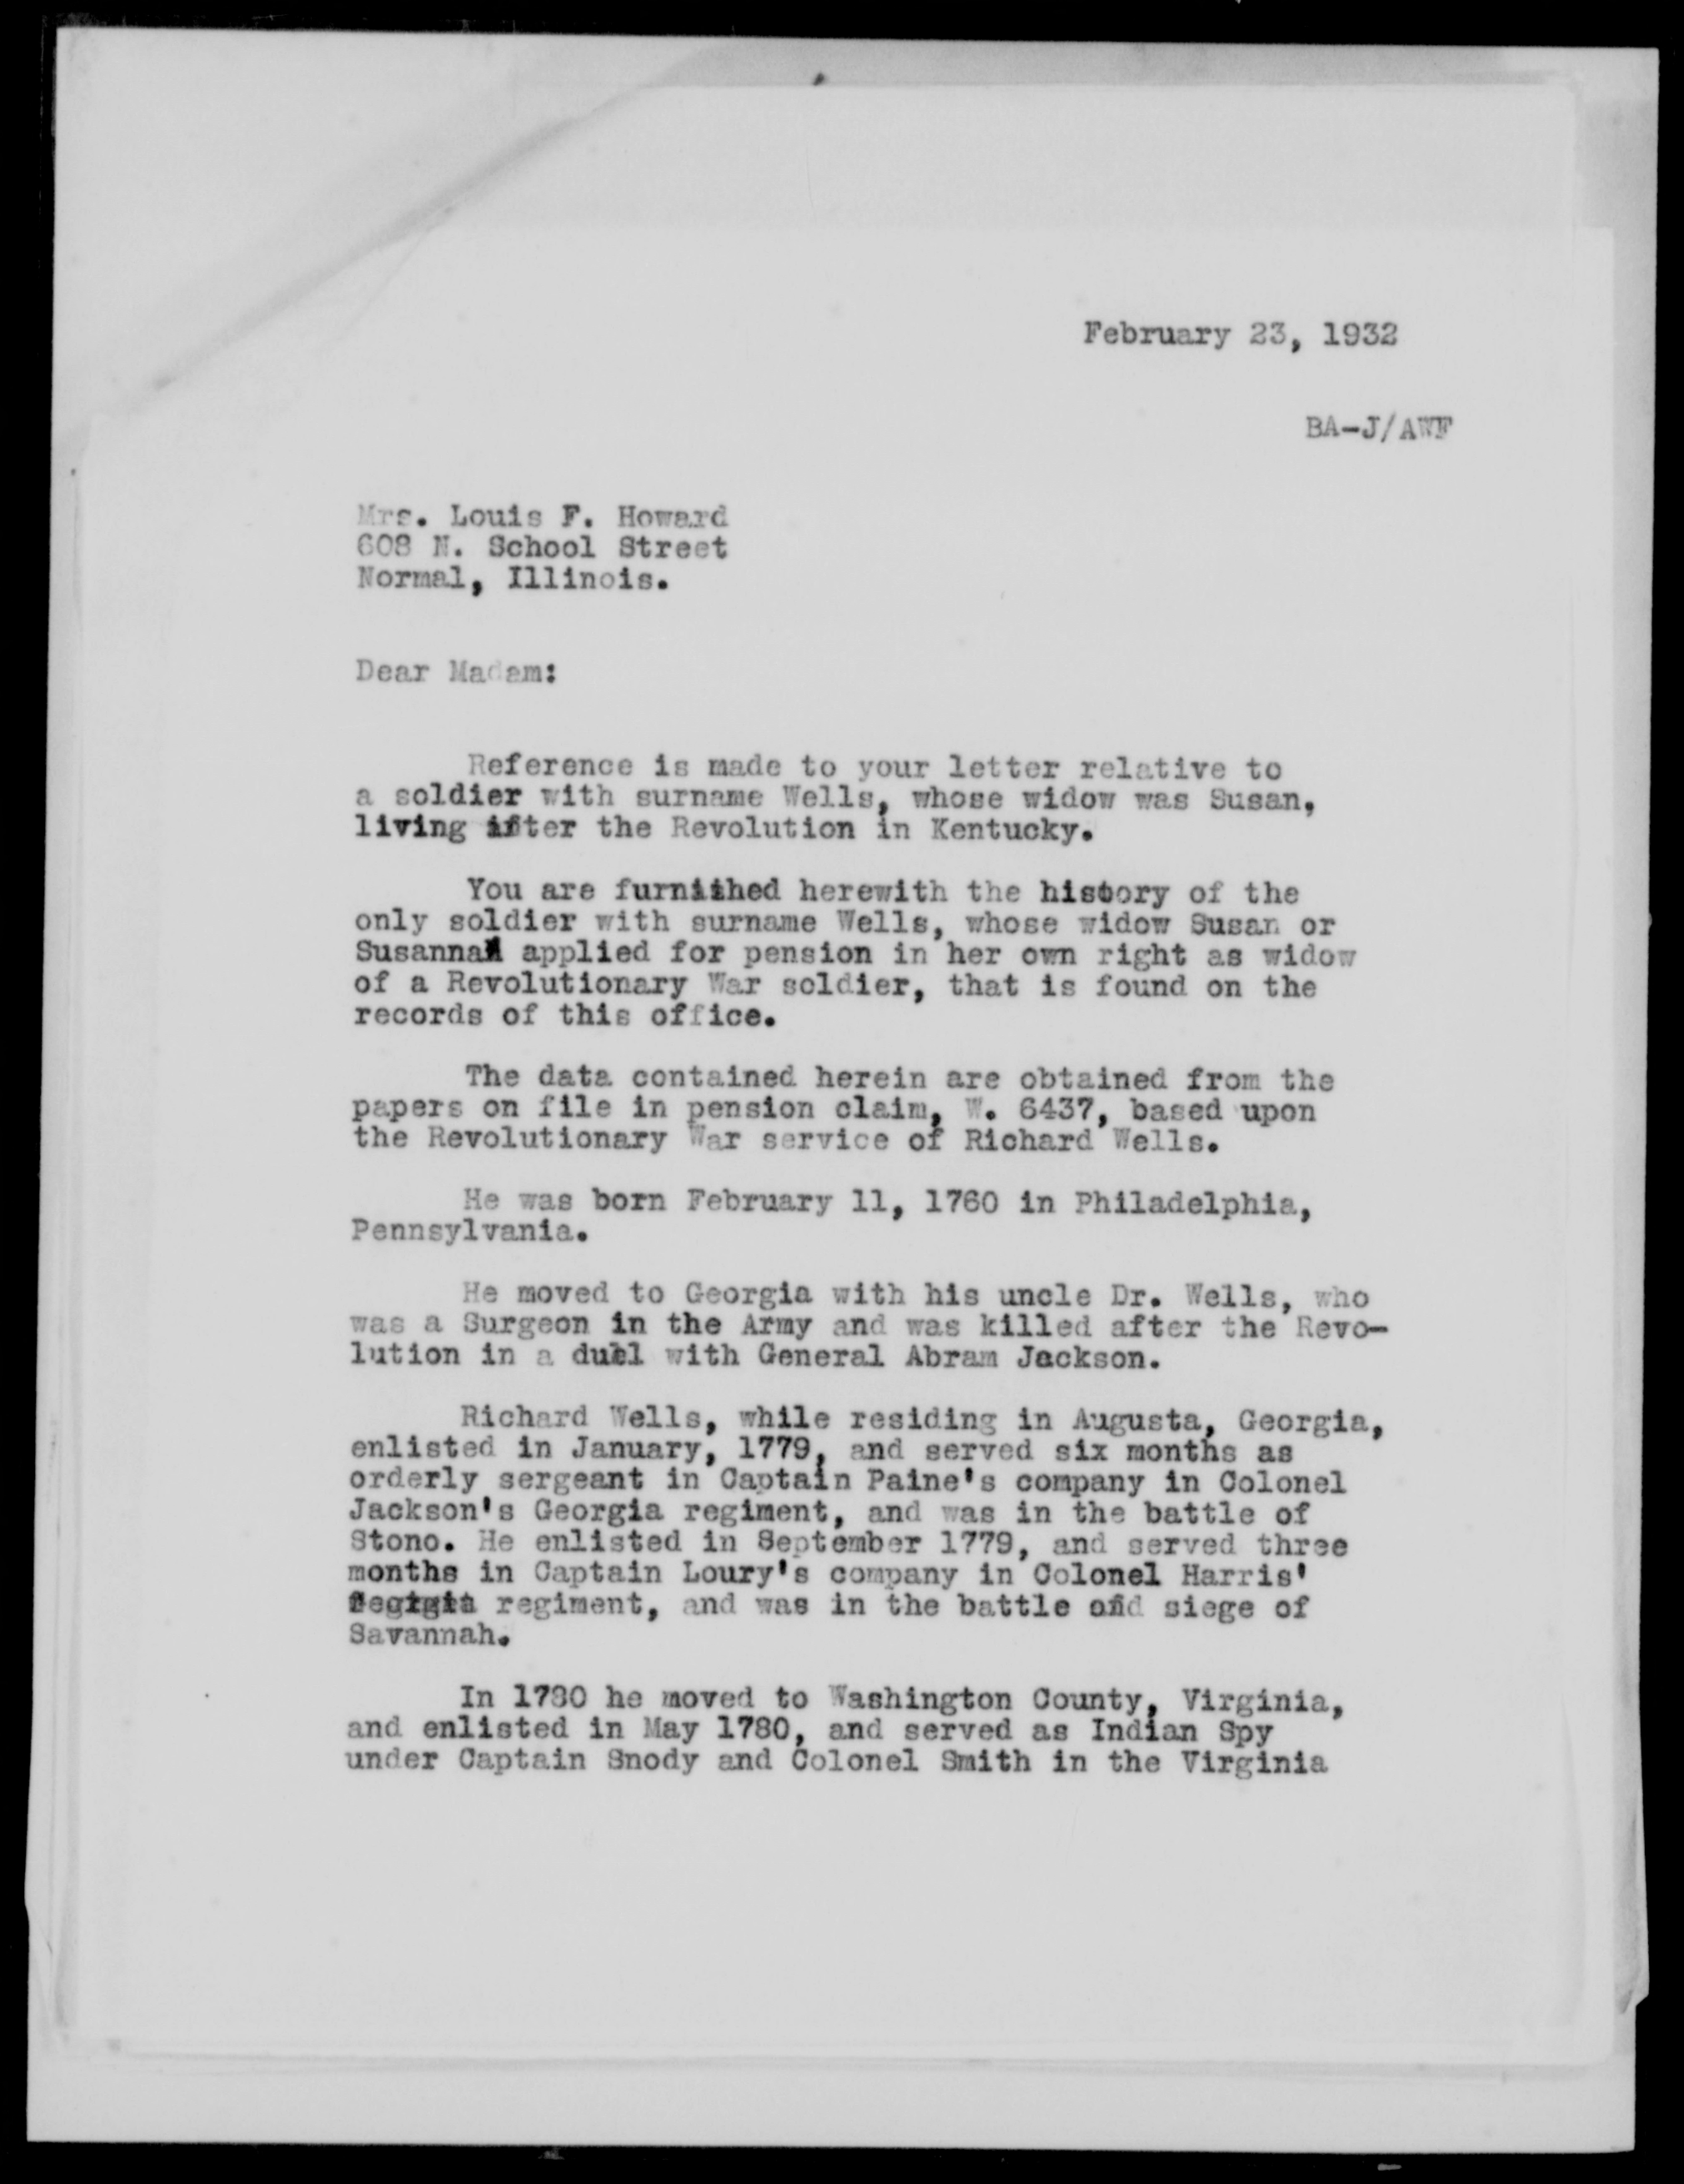February 23, 1932
BA-J/AWF

Mrs. Louis F. Howard
608 N. School Street
Normal, Illinois.

Dear Madam:
Reference is made to your letter relative to
a soldier with surname Wells, whose widow was Susan,
living after the Revolution in Kentucky.
You are furnished herewith the history of the
only soldier with surname Wells, whose widow Susan or
Susanna applied for pension in her own right as widow
of a Revolutionary War soldier, that is found on the
records of this office.
The data contained herein are obtained from the
papers on file in pension claim, W. 6437, based upon
the Revolutionary War service of Richard Wells.
He was born February 11, 1760 in Philadelphia,
Pennsylvania.
He moved to Georgia with his uncle Dr. Wells, who
was a Surgeon in the Army and was killed after the Revolution
in a duel with General Abram Jackson.
Richard Wells, while residing in Augusta, Georgia,
enlisted in January, 1779, and served six months as
orderly sergeant in Captain Paine's company in Colonel
Jackson's Georgia regiment, and was in the battle of
Stono. He enlisted in September 1779, and served three
months in Captain Loury's company in Colonel Harris'
regiment, and was in the battle of siege of Savannah.
In 1780 he moved to Washington County, Virginia,
and enlisted in May 1780, and served as Indian Spy
under Captain Snody and Colonel Smith in the Virginia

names: Richard Wells, Louis F Howard, Smith, Susan, Abram Jackson, Susanna, Snody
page: 92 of 100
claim: widow's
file: W. 6437, Richard Wells, Ga Va.